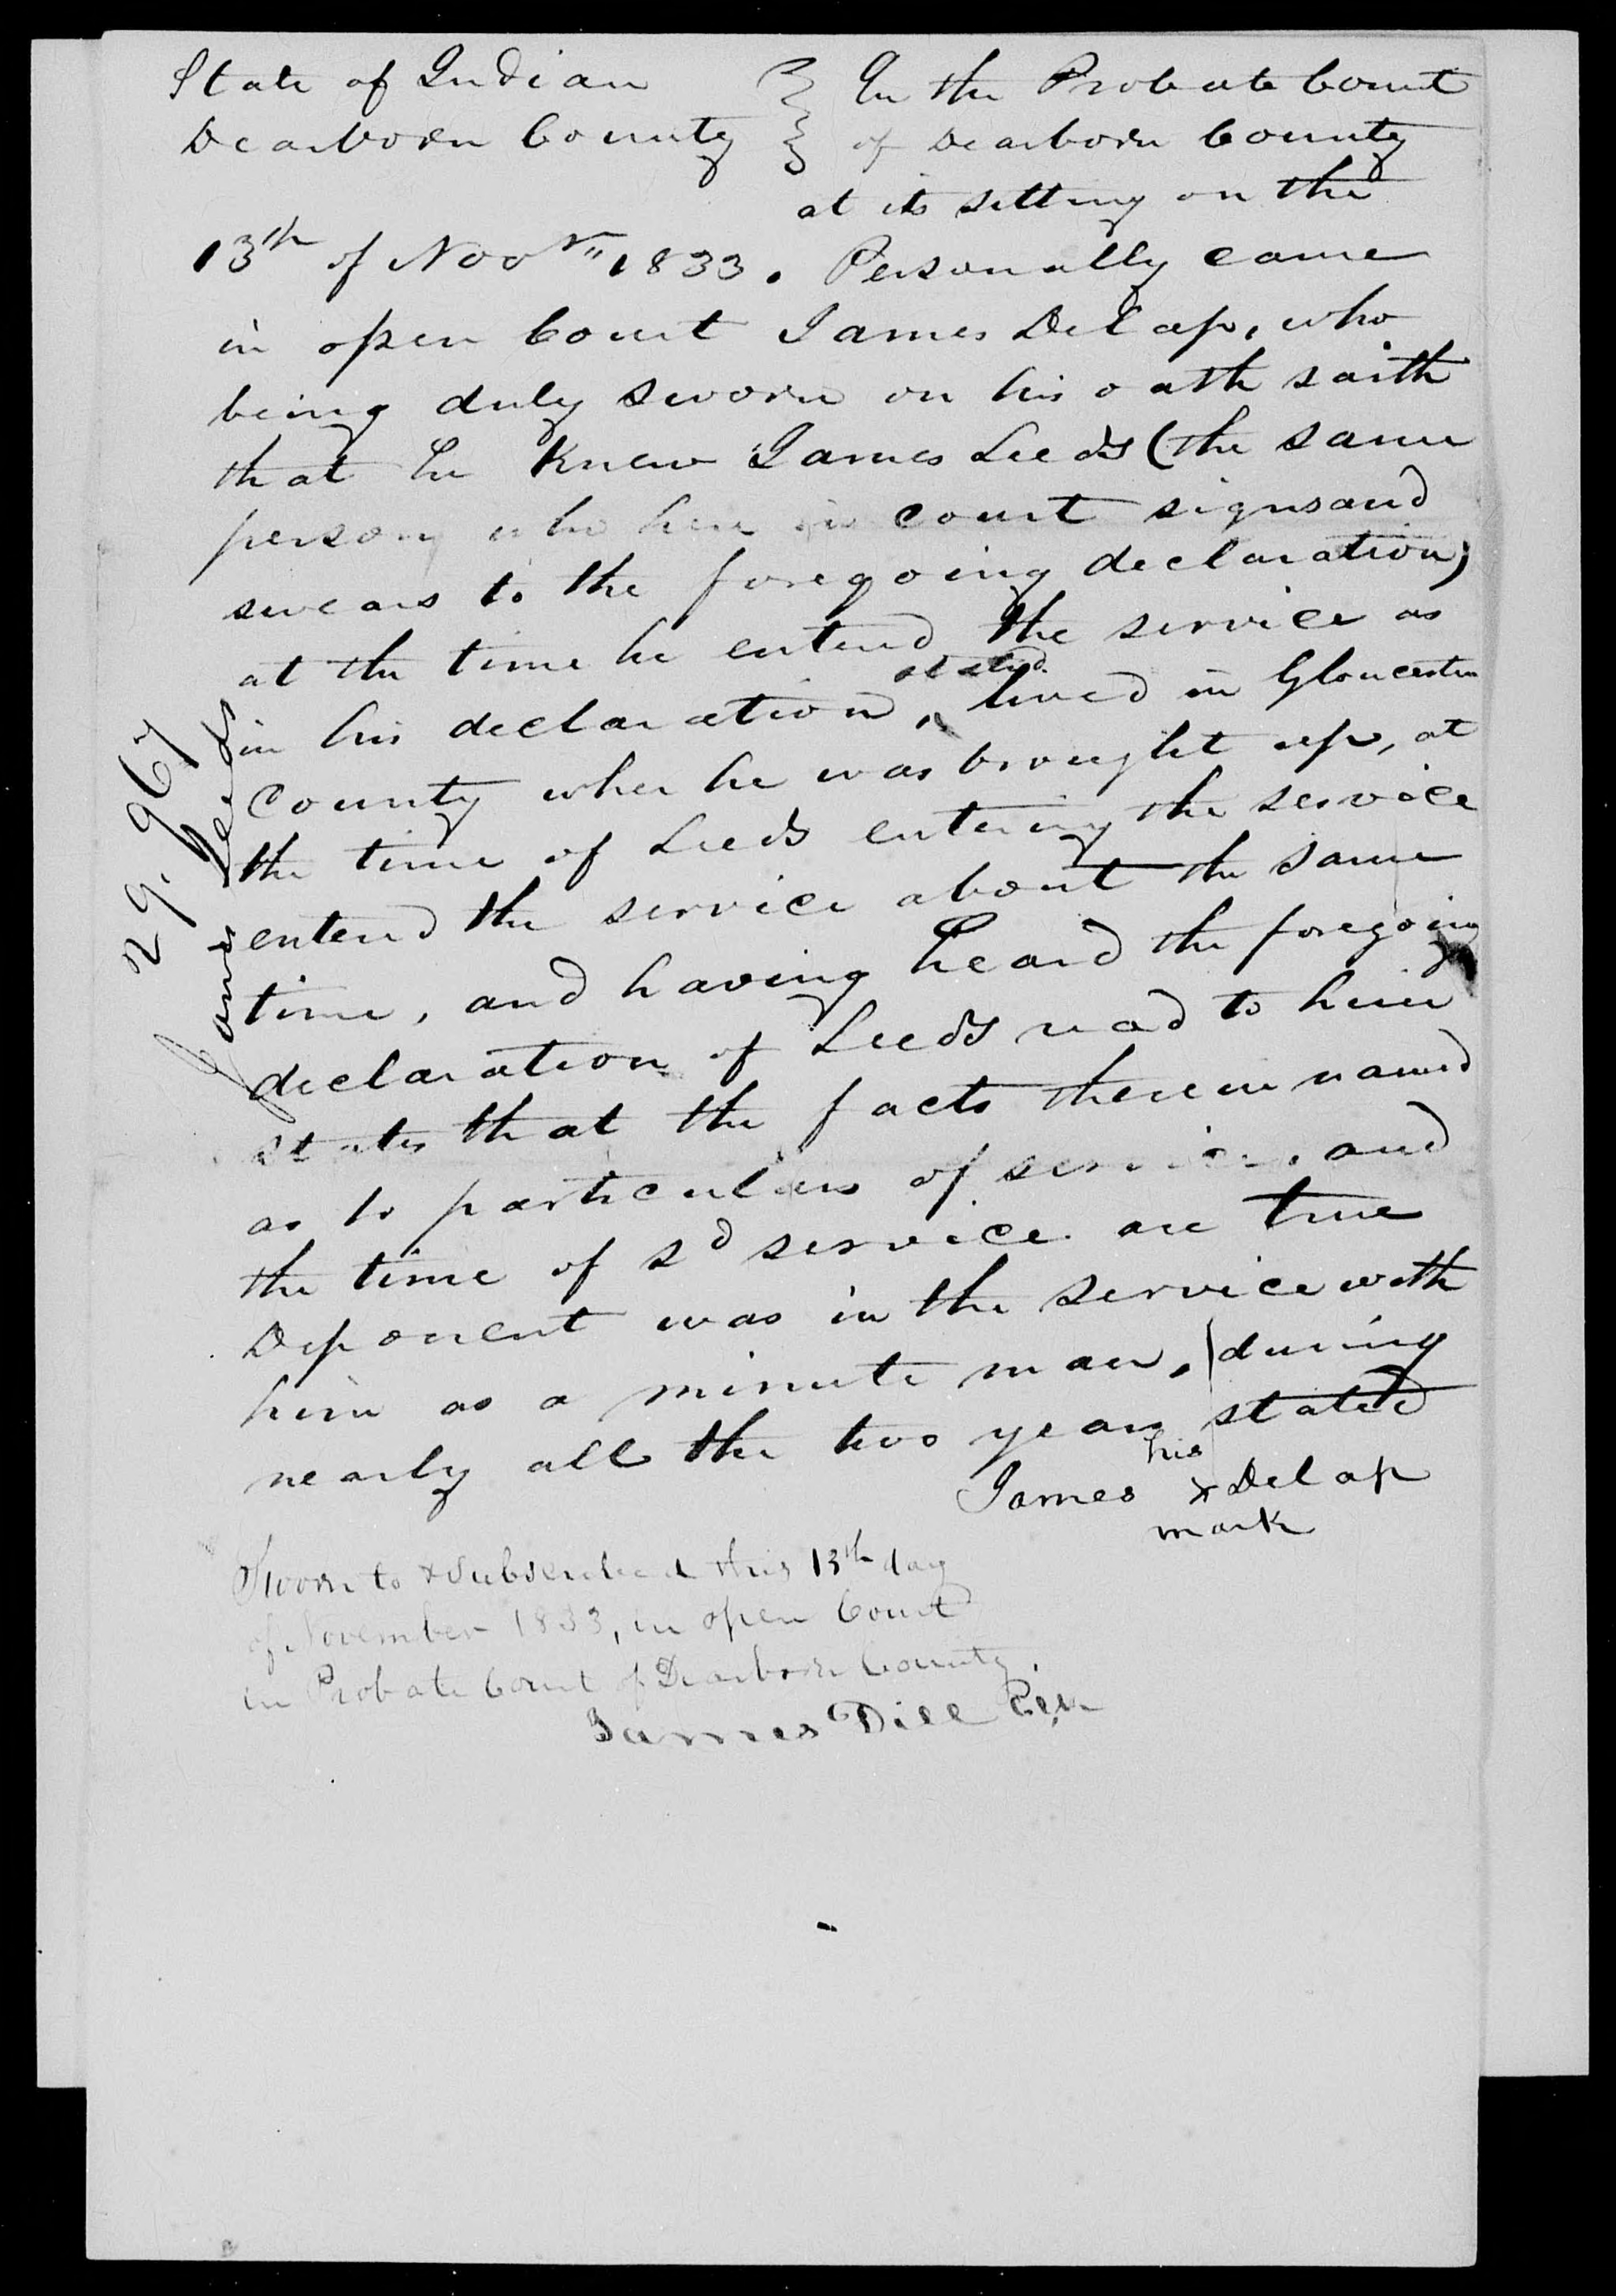State of Indian Dearborn County
In the Probate Court of Dearborn County at its setting on the 13th of Nov"1833. Personally came in open court James Delap, who being duly sworn on his oath saith that he knew James Leeds (the same person who has in court signs and swears to the foregoing declaration, at the time he entered the service as in his declaration states lived in Gloucestine County when he was brought up, at the time of Leeds entering the service entered the service about the same time, and having heard the foregoing declaration read to him states that the facts therein named as to particulars of service and the time of said service are true Deponent was in the service with him as a minute man, during nearly all the two years his stated

James Delap
mark

Sworn to & subscribed this 13th day of November 1833, in open court in Probate Court of Dearborn County.
James Dill Clk

[Left side of page]
29.697
James Leeds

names: James Dill; James Leeds; James Delap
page: 9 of 38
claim: survivor's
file: S 31817, for James Leeds, New Jersey